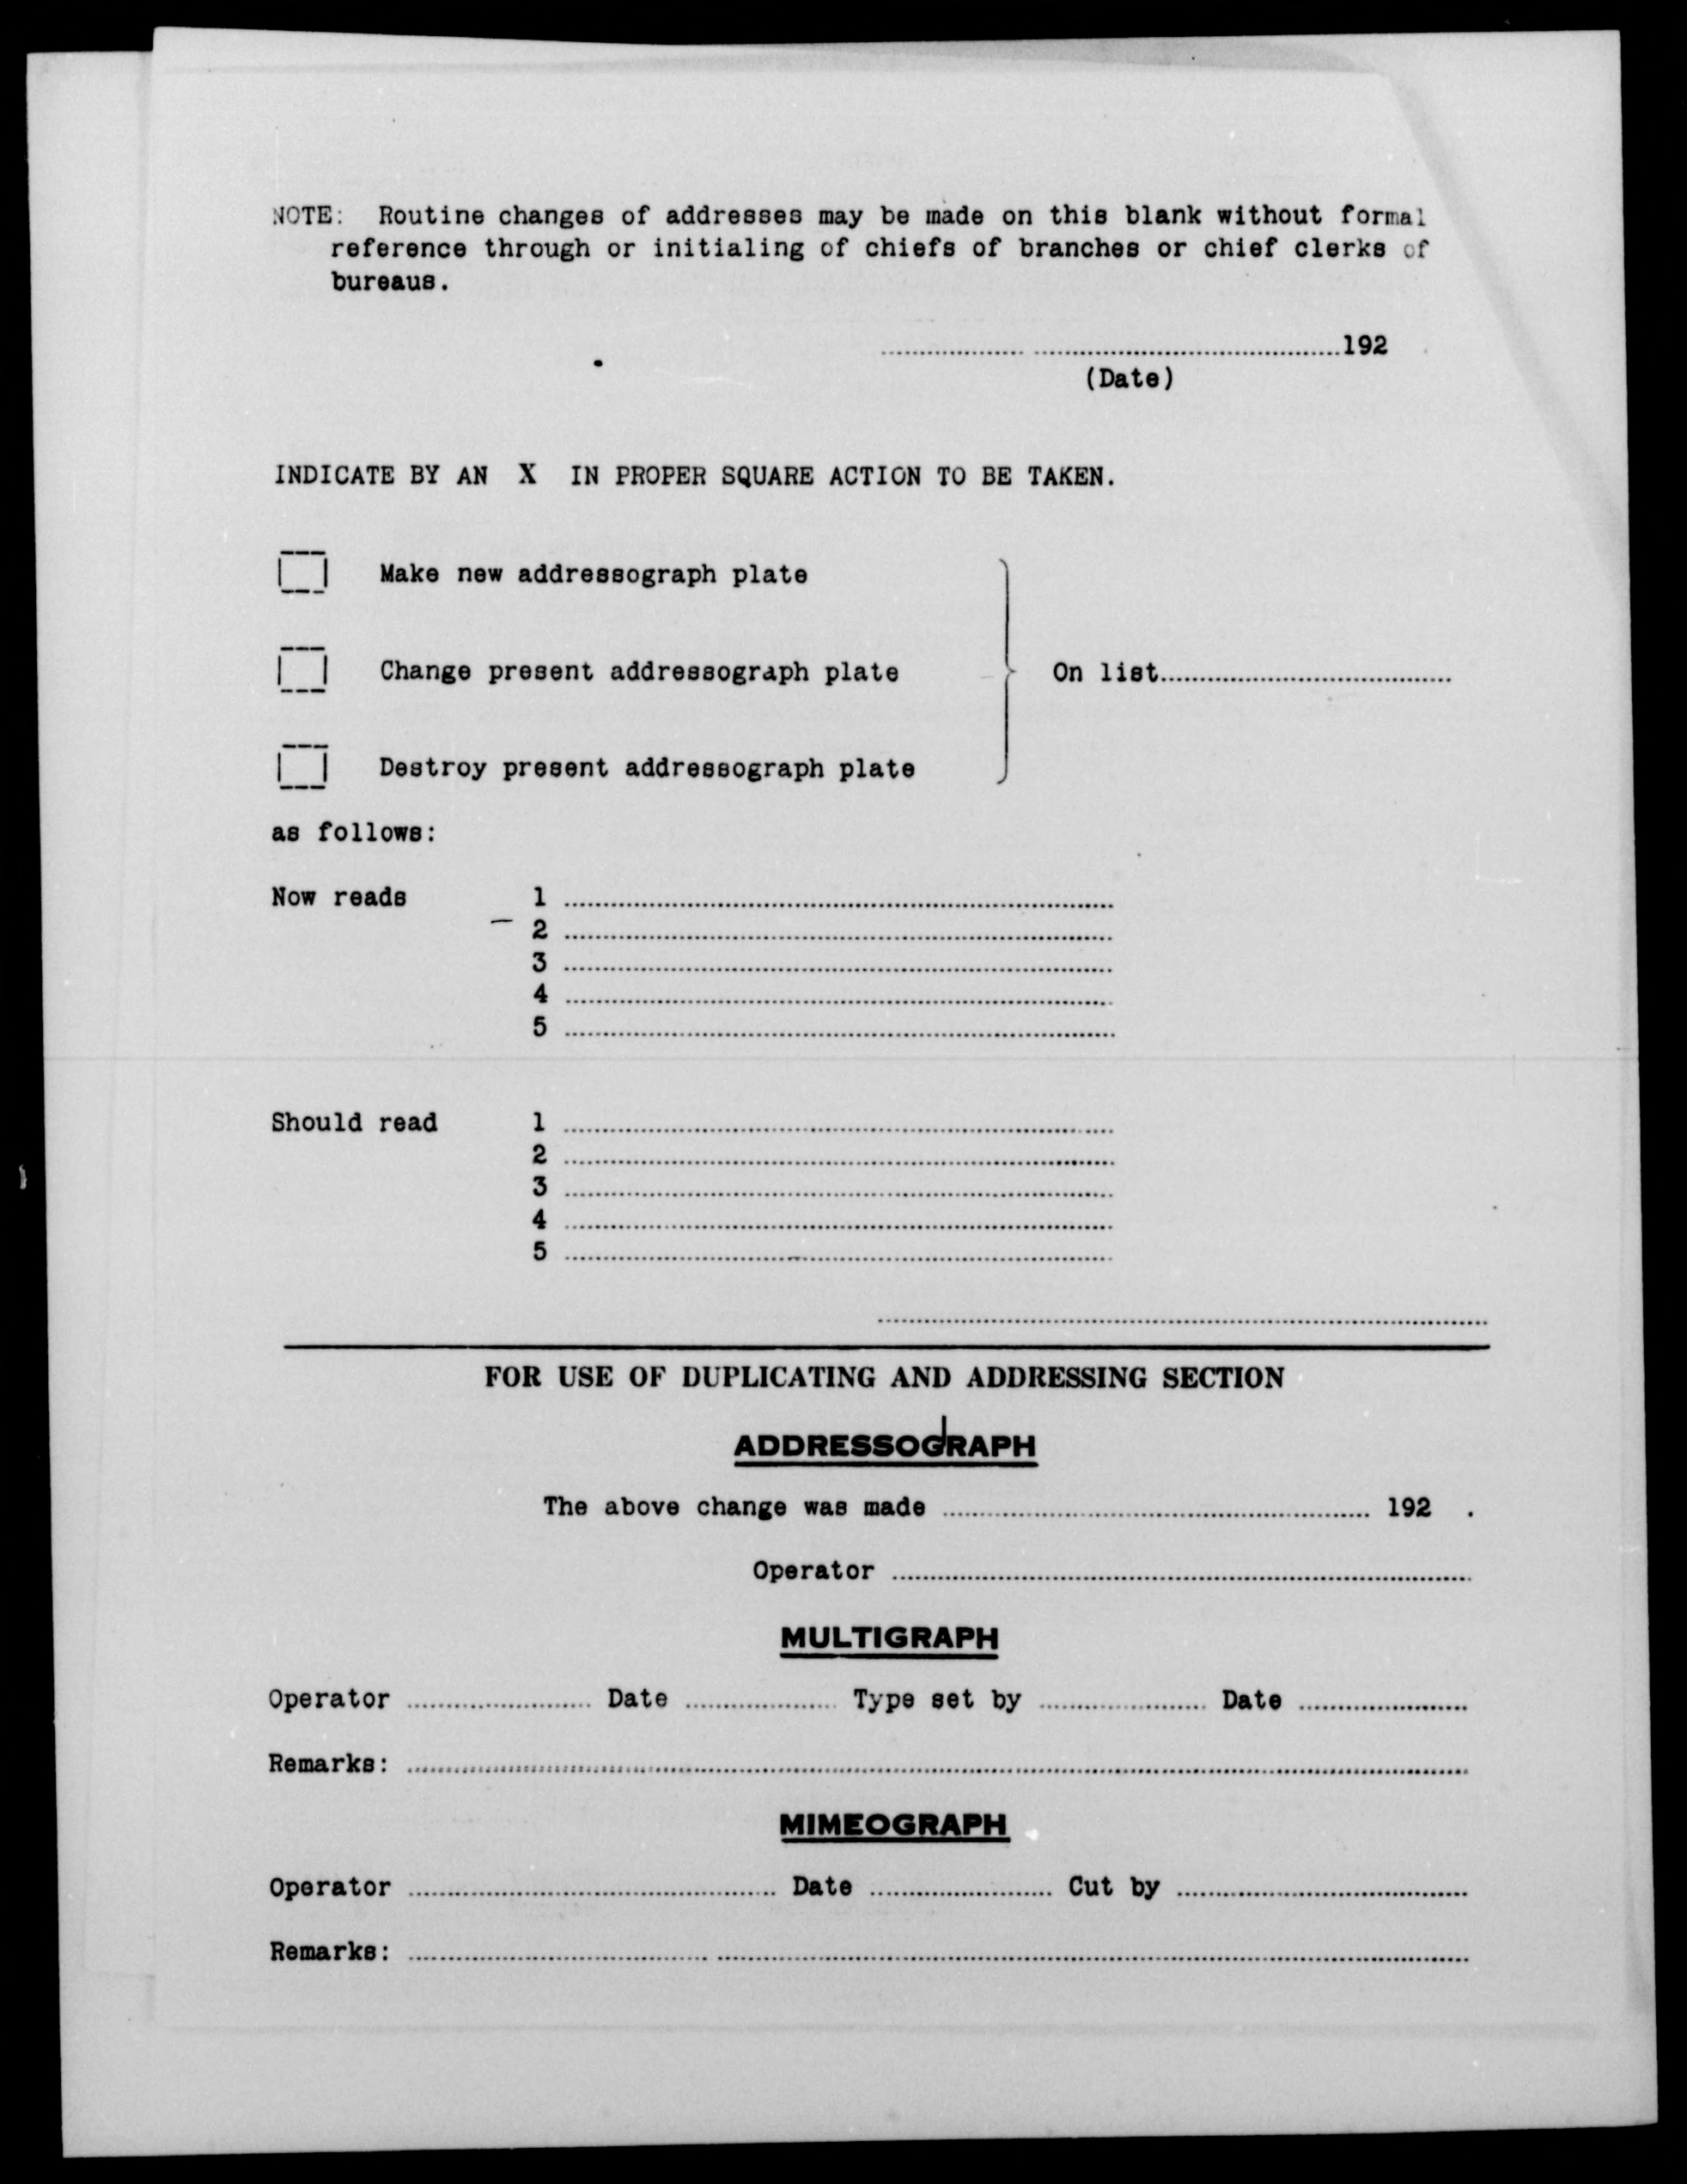Note:  Routine changes of addresses may be made on this blank without formal reference through or initialing of chiefs of branches or chief clerks of bureaus.

(Date)

INDICATE BY AN x IN PROPER SQUARE ACTION TO BE TAKEN

[ ] Make new addressograph plate
[ ]  Change present addressograph plate
[ ]  Destroy present addressograph plate

On list (Blank)

as follows:

Now reads [listed] 1,2,3,4,5,m
Should read [listed] 1,2,3,4,5

FOR USE OF DUPLICATING AND ADDRESSING SECTION

ADDRESSOGRAPH

The above change was made  (BLANK) 192
Operator 

MULTIGRAPH

Operator  Date  Type set by  Date
Remarks:  

MIMEOGRAPH

Operator  Date  Cut by  
Remarks:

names: [BLANK]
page: 8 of 15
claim: rejected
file: R. 9,905, for Philip Snook, New Jersey